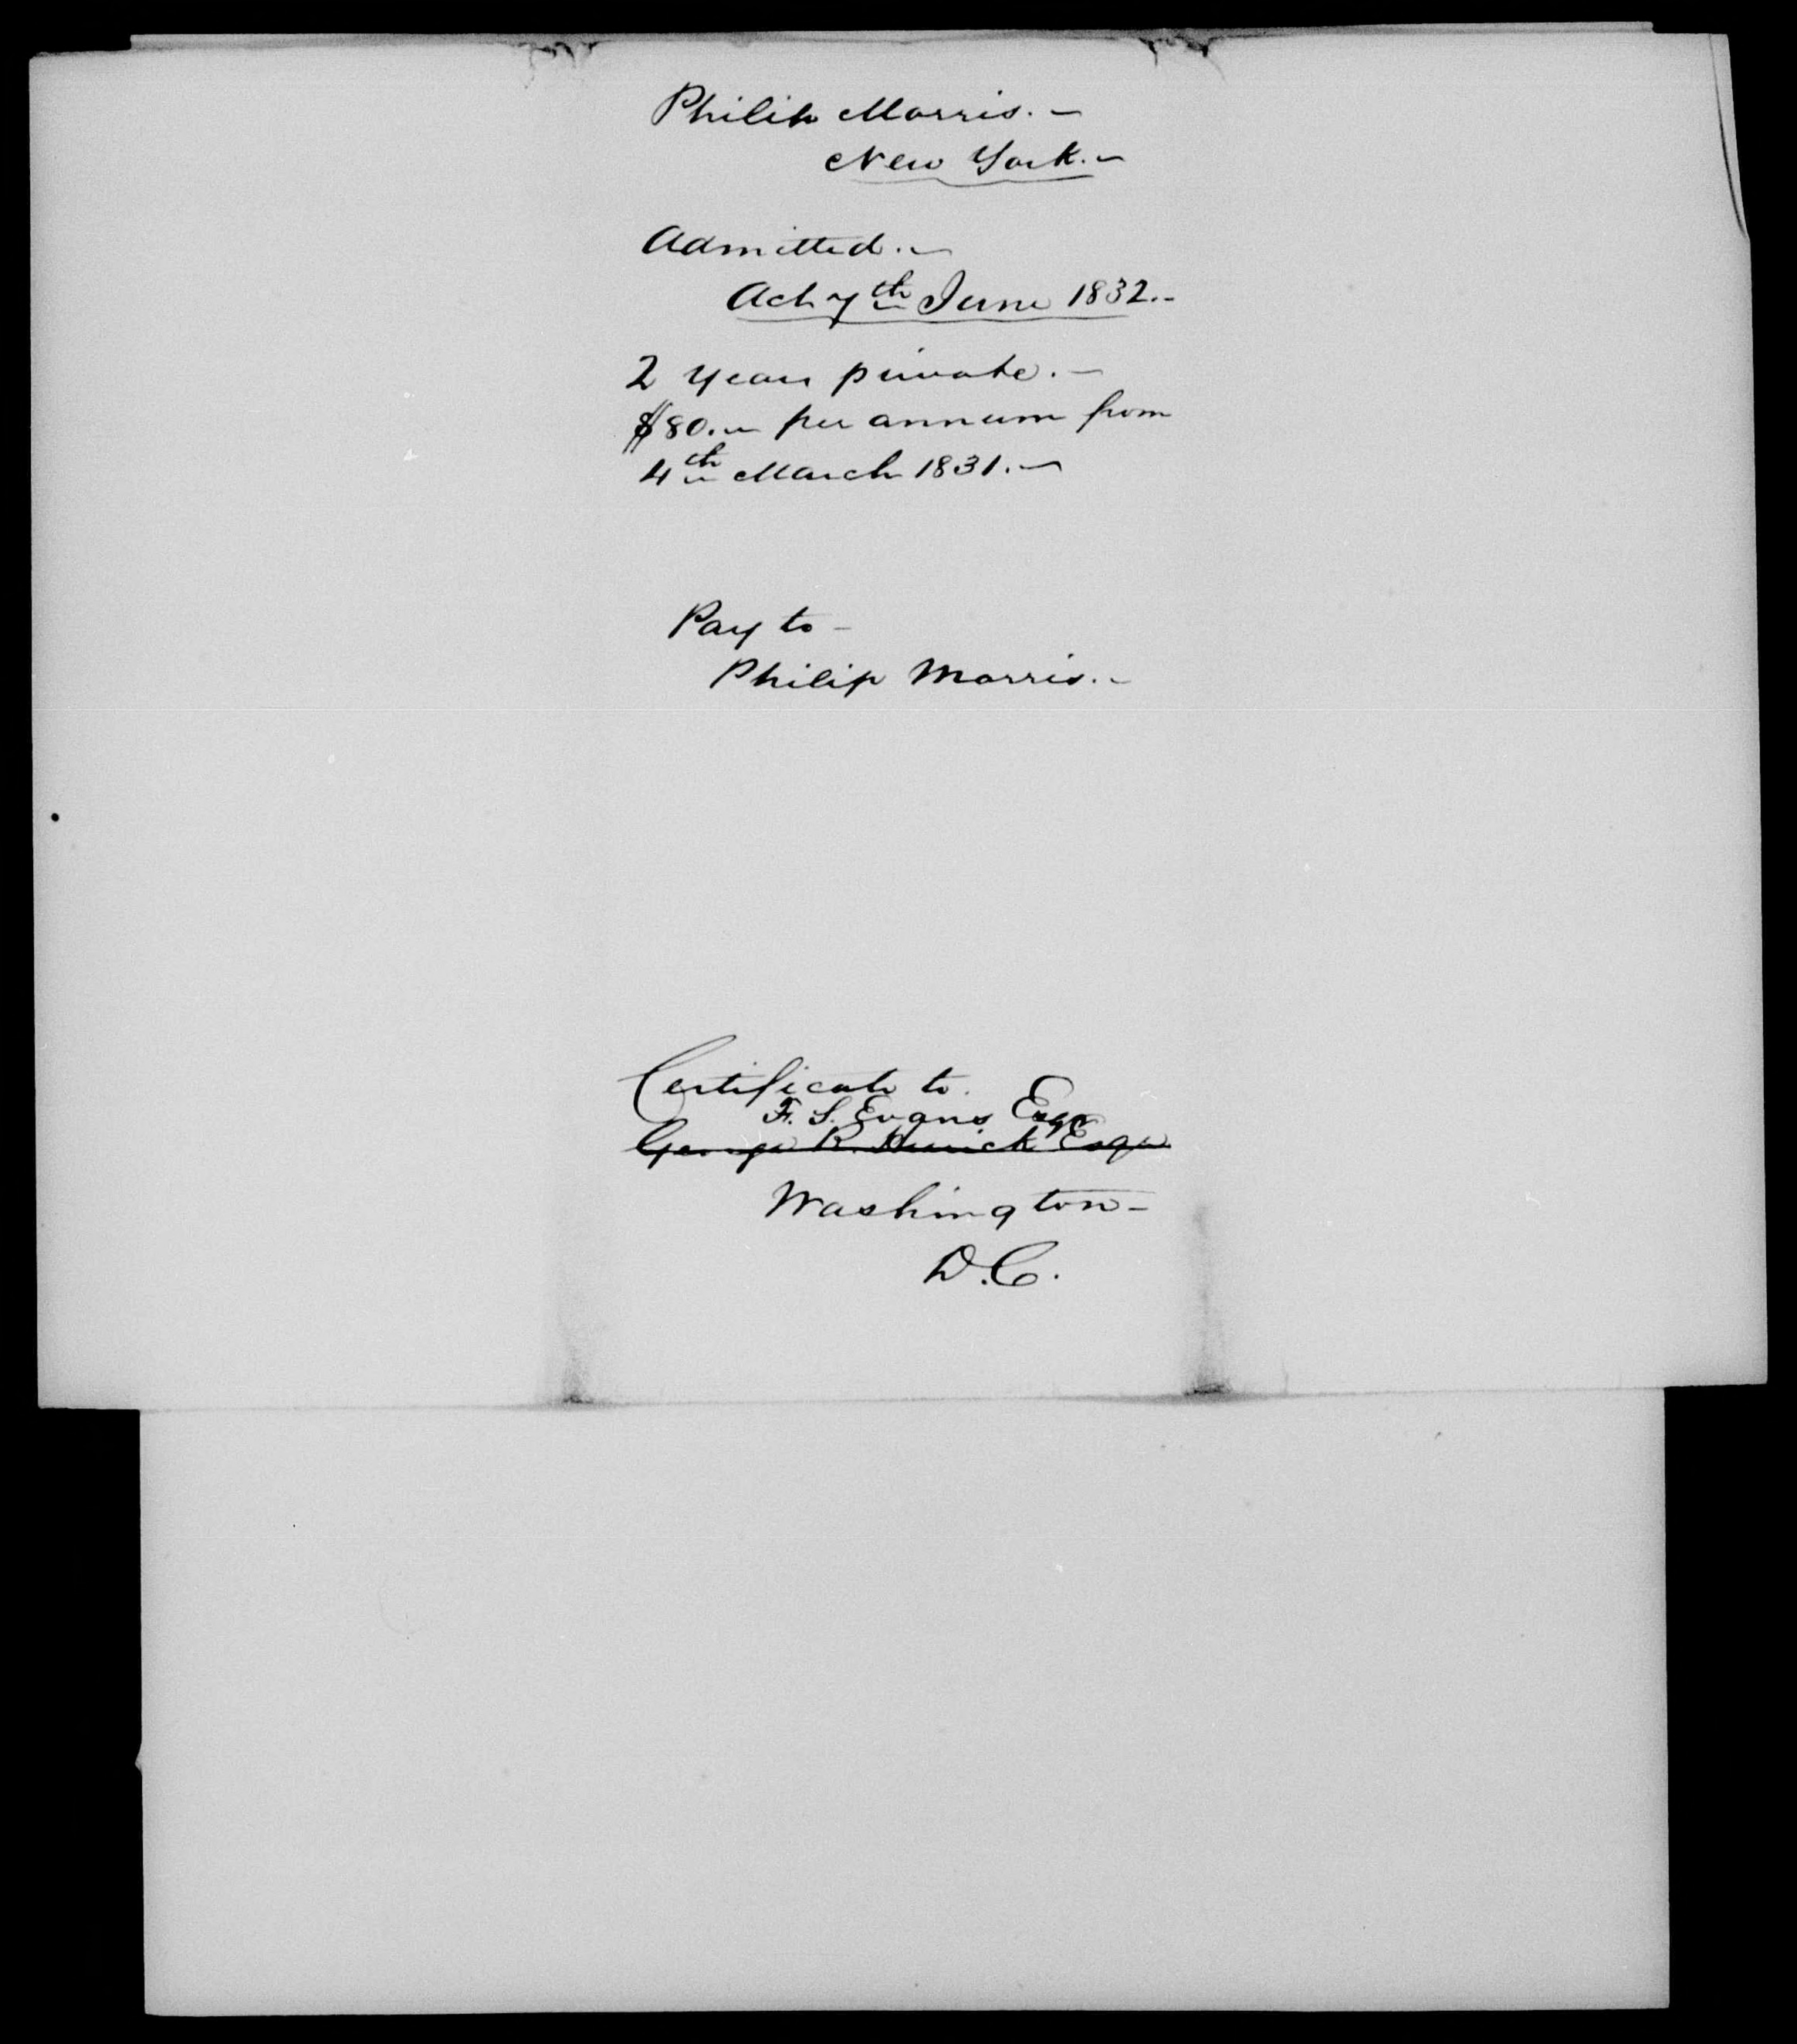Philip Morris
New York.

Admitted
Ach 7th June 1832.

2 years private.
$80.__ per annum from
4th March 1831.

Pay to -
Philip Morris.

Certificate to
F.S. Evans Esq.
[struck through] George R. Herrick Esq.
Washington -
D.C.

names: Philip Morris; George R Herrick; F S Evans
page: 33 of 44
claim: survivor's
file: S. 28,815, for Philip Morris, Rhode Island